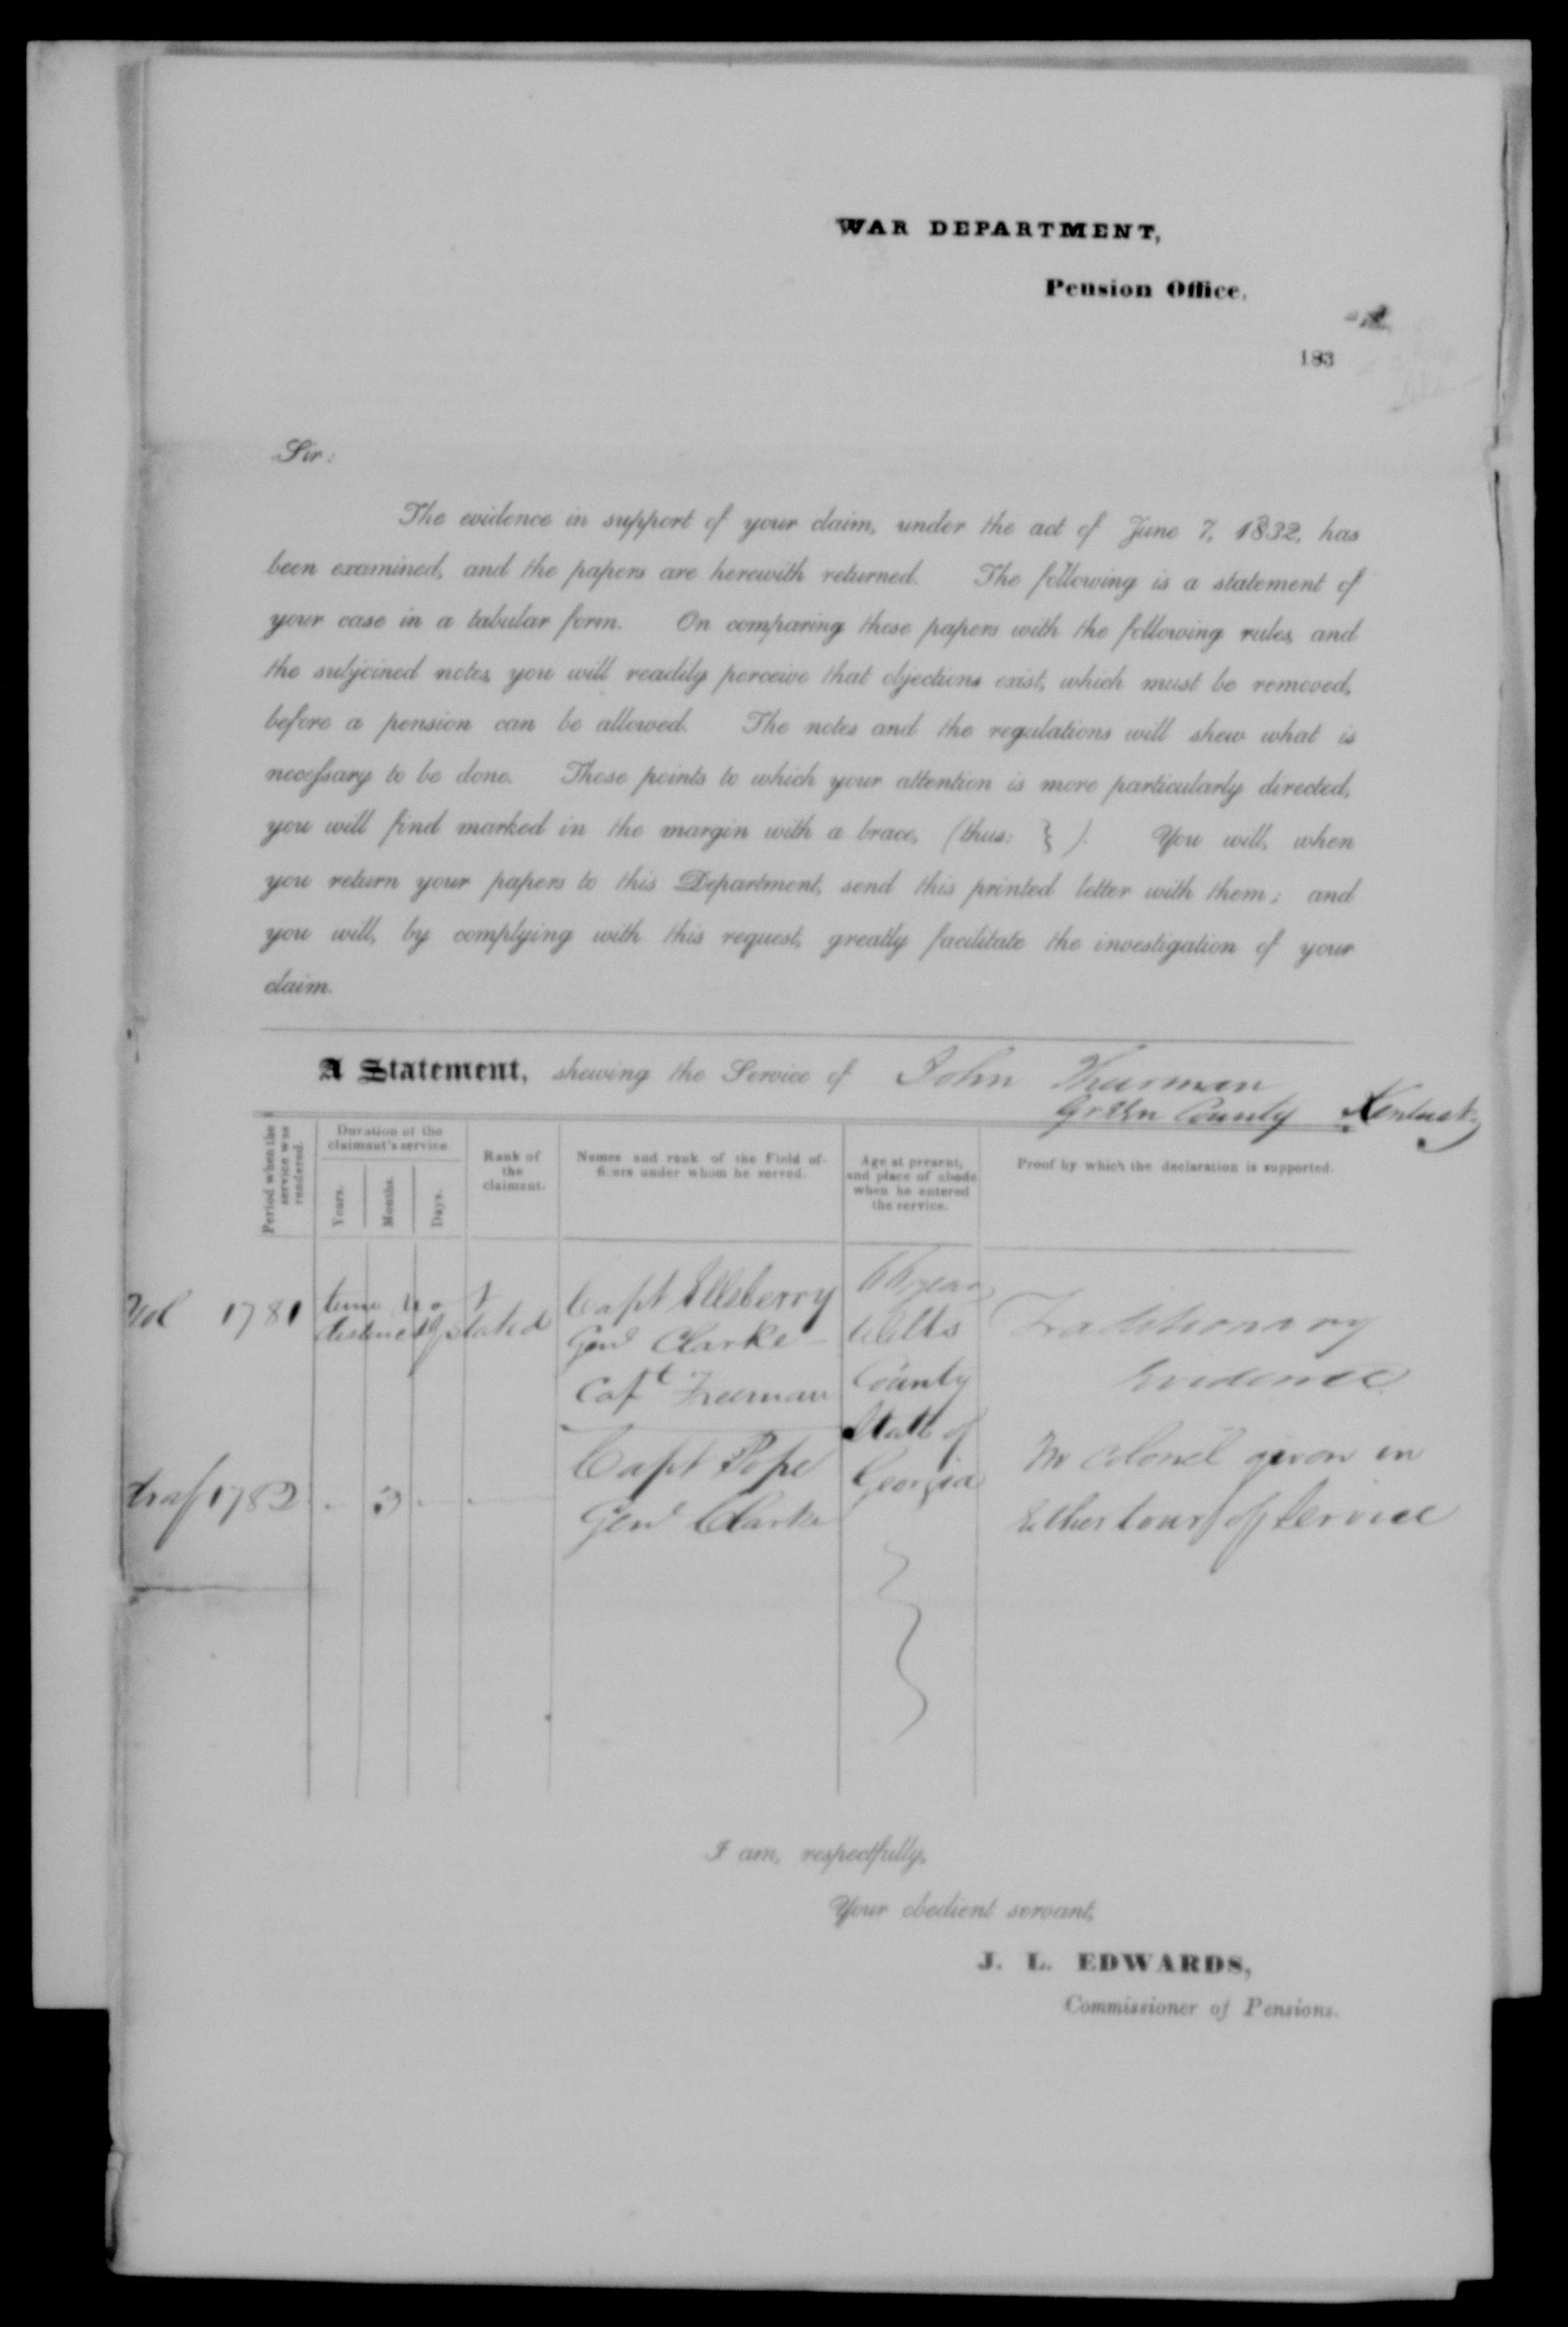WAR DEPARTMENT,
Pension Office
183
Sir:
     The evidence in support of your claim, under the act of June 7, 1832, has been examined, and the papers are herewith returned.  The following is a statement of your case in tabular form.  On comparing those papers with the following rules, and the subjoined notes, you will readily perceive that objections exist, which must be removed, before a pension can be allowed.  The notes and the regulations will shew what is necessary to be done.  Those points to which your attention is more particularly directed, you will find marked in the margin with a brace, 
(thus: }).  You will, when you return your papers to this Department, send this printed letter with them, and you will, by complying with this request, greatly facilitate the investigation of your claim.
A Statement, showing the Service of John Thurman
Green County Kentucky

Period when the service was rendered.
Vol 1781- time not distinctly stated

Names and rank of the Field officers under whom he served.
Capt Ellsberry
Genl Clarke-
Capt Freeman

Age at present, and place of abode when he entered the service.
66 year,
Wilkes County State of Georgia

Proof by which the declaration is supported.
[illegible]
Evidence
No colonel given in 
Either tour of service

Period when the service was rendered.
draf 1782 for 3 months

Names and rank of the Field officers under whom he served.
Capt Pope
Gen Clarke
I am, respectfully,
Your obedient servant,
J. L. EDWARDS
Commissioner of Pensions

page: 24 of 53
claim: widow's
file: W. 6,267, for John Thurman, Georgia